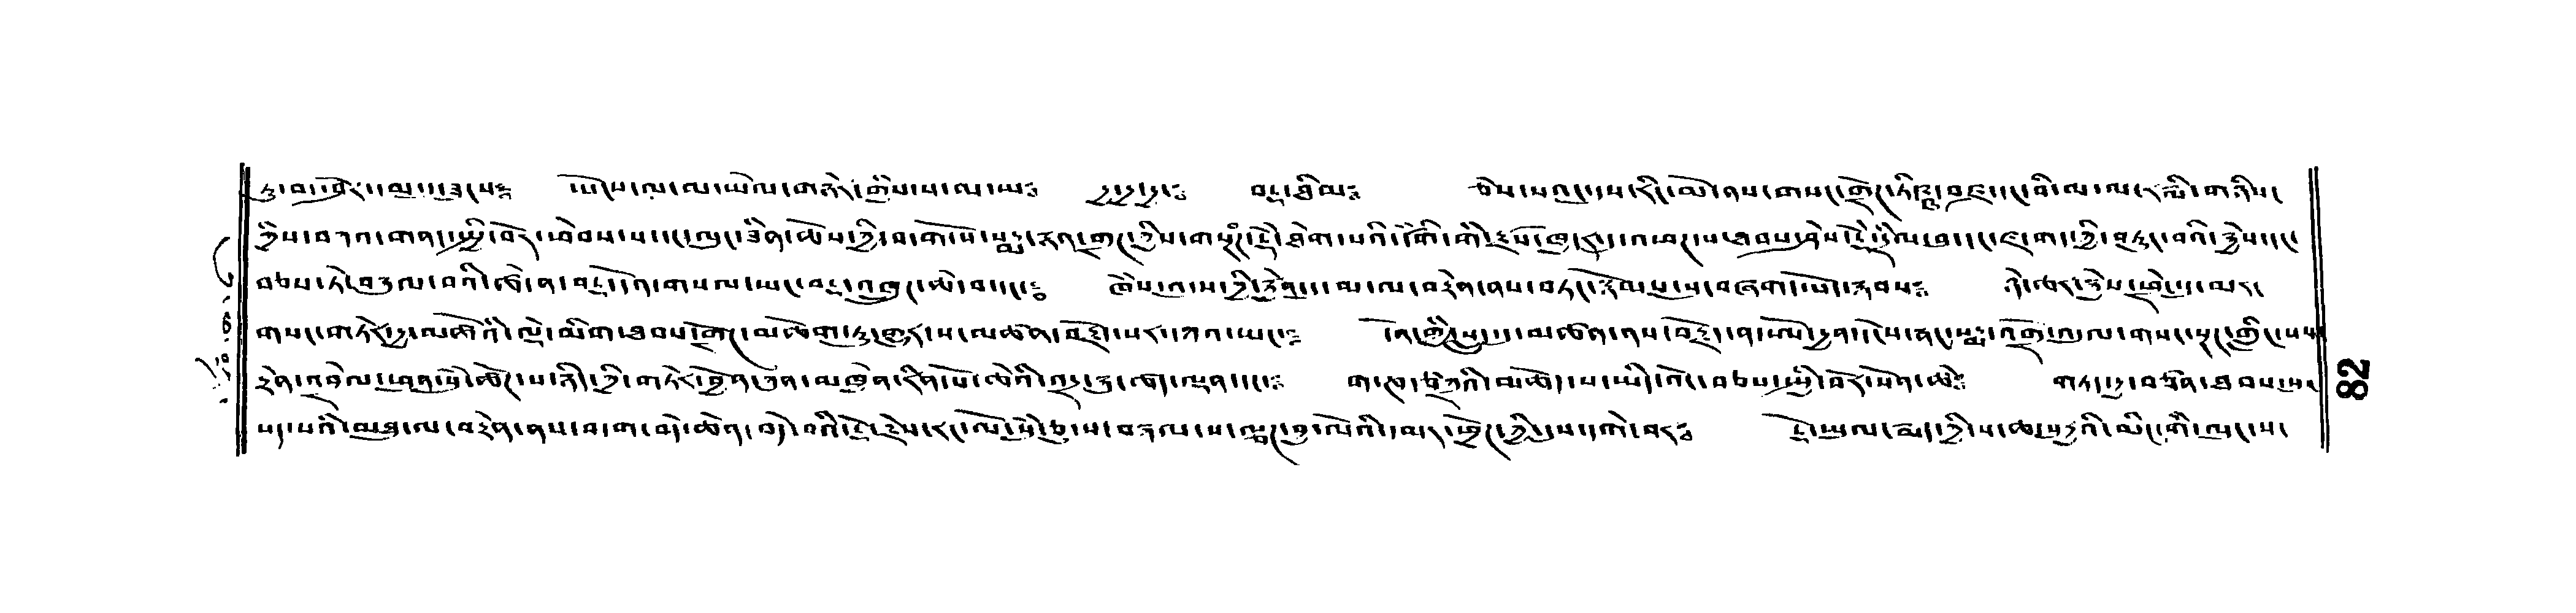ཏུ་མ་ཤོར་དམ་དུ་ཟུངས༔ ཡོངས་ལ་མ་སྤེལ་གཉེར་གྱིས་ས་མ་ཡ༔ རྒྱ་རྒྱ་རྒྱ༔ བརྡ་ཐིམ༔ ཅེས་པའང་དུས་རིང་མོ་ནས་གསང་གྲོགས་ཏིཥྛ་བཛྲ་དང་བཱི་མ་ལ་རསྨི་གཉིས་
ཀྱིས་བཀའ་གནང་སྤྱི་བོར་ཕེབས་པ་དང་ལུང་ཟིན་ཆོས་ཀྱི་བདག་པོ་པདྨ་སྙན་གྲགས་ཀྱིས་གསང་སྔགས་རྡོ་རྗེ་ཐེག་པའི་དམ་ཚིག་གི་རྫས་ཁྱད་པར་དུ་འཕགས་པ་ཐབས་ཤེས་རྡོ་རྗེ་དྲིལ་བུ་དང་ཛ་གད་ཀྱི་བཏུང་བའི་སྐྱེས་དང་
བཅས་ཏེ་བསྐུལ་བའི་ཚེ་ན་བརྡ་དོན་གསལ་ཡང་བརྡ་འཁྲུགས་ཆེ་བ་དང་། ཁམས་འདུས་ཀྱི་རྐྱེན་དུ་མ་ལ་བརྟེན་ནས་བཏང་སྙོམས་སུ་བཞག་ཡོད་སྐབས། ཉེ་ཆར་སྐྱེས་ཕྲེང་དུ་མར་
གསང་གཏེར་རྒྱ་མཚོའི་ལྡེ་མིག་ཐབས་གྲོགས་མཆོག་ཏུ་གྱུར་པ་མཚན་བརྗོད་པར་དཀའ་ཡང་། དོན་གྱི་སླད་དུ་མཚན་ནས་བརྗོད་ན་ཨོ་རྒྱན་དངོས་སྣང་པདྨ་འགྲོ་འདུལ་གསང་སྔགས་གླིང་པས་
རྟེན་འབྲེལ་ཕུན་སུམ་ཚོགས་པ་ཉིད་ཀྱི་གཏེར་བྱོན་ཀུན་མཁྱེན་རིན་པོ་ཆེའི་འདྲ་སྐུ་ཚད་ལྡན་དང་། ག་ཎ་ཙཀྲའི་མཆོད་པ་ཡིད་འོང་བཅས་སྤྱི་བོར་སོན་ཚེ། གཏད་རྒྱ་བཙན་ཐབས་སུ་
སད་པའི་མཐུ་ལ་བརྟེན་ནས་བདག་བདེ་ཆེན་བདེ་བའི་རྡོ་རྗེས་རང་ལོ་སུམ་ཅུ་པ་བསྐལ་པ་ལྕགས་བྱ་ལོའི་དམར་ཕྱོགས་ཀྱི་དུས་དགེ་བར༔ རྡོ་ཡུལ་སྨད་ཀྱི་ཆ་སུརྻའི་མིང་གི་ལུང་པ་